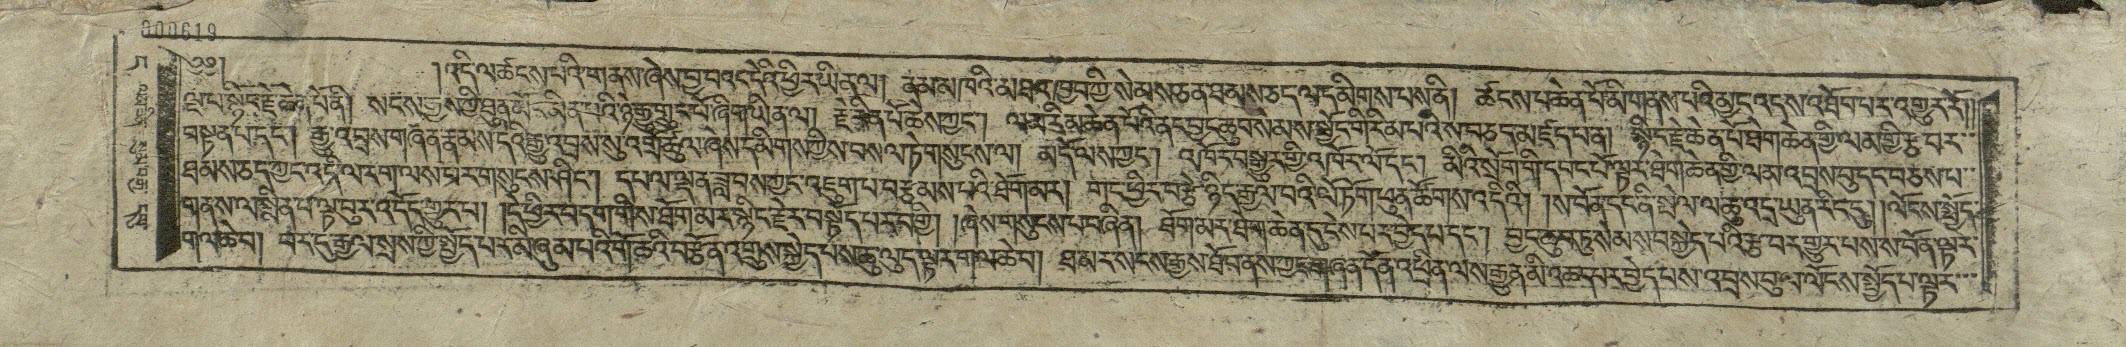༄༅། །འདི་ལ་ཚངས་པའི་གནས་ཞེས་བྱ་བའང་དེའི་ཕྱིར་ཡིན་ལ། ནམ་མཁའི་མཐའ་ཁྱབ་ཀྱི་སེམས་ཅན་ཐམས་ཅད་ལ་དམིགས་པས་ནི། ཚངས་པ་ཆེན་པོ་མི་གནས་པའི་མྱང་འདས་འཐོབ་པར་འགྱུར་རོ། །
ལྔ་པ་སྙིང་རྗེ་ཆེན་པོ་ནི། སངས་རྒྱས་ཀྱི་ཐུན་མོང་མིན་པའི་ཉེ་རྒྱུ་གྲུང་པོ་ཞིག་ཡིན་ལ། རྗེ་རིན་པོ་ཆེས་ཀྱང་། ལམ་རིམ་ཆེན་པོའི་ནང་བྱང་ཆུབ་སེམས་སྦྱོང་གི་རིམ་པའི་ས་བཅད་མཛད་པ་ན། སྙིང་རྗེ་ཆེན་པོ་ཐེག་ཆེན་གྱི་ལམ་གྱི་རྩ་བར་
བསྟན་པ་དང་། རྒྱུ་འབྲས་གཞན་རྣམས་དེའི་རྒྱུ་འབྲས་སུ་འགྲོ་ཚུལ་ཞེས་དམིགས་ཀྱིས་བསལ་ཏེ་གསུངས་ལ། མདོ་ལས་ཀྱང་། འཁོར་བསྒྱུར་གྱི་འཁོར་ལོ་དང་། མིའི་སྲོག་གི་དབང་པོ་ལྟར་ཐེག་ཆེན་གྱི་ལམ་འབྲས་བུ་དང་བཅས་པ་
ཐམས་ཅད་ཀྱང་འདི་ལ་རག་ལས་པར་གསུངས་ཤིང་། དཔལ་ལྡན་ཟླ་བས་ཀྱང་འཇུག་པ་བརྩམས་པའི་ཐོག་མར། གང་ཕྱིར་བརྩེ་ཉིད་རྒྱལ་བའི་ལོ་ཏོག་ཕུན་ཚོགས་འདིའི། །ས་བོན་དང་ནི་སྤེལ་ལ་ཆུ་འདྲ་ཡུན་རིང་དུ། །ལོངས་སྤྱོད་
གནས་ལ་སྨིན་པ་ལྟ་བུར་འདོད་གྱུར་པ། །དེ་ཕྱིར་བདག་གིས་ཐོག་མར་སྙིང་རྗེར་བསྟོད་པར་བགྱི། །ཞེས་གསུངས་པ་བཞིན། ཐོག་མར་ཐེག་ཆེན་དུ་ངེས་པར་བྱེད་པ་དང་། བྱང་ཆུབ་ཏུ་སེམས་བསྐྱེད་པའི་རྩ་བར་གྱུར་པས་ས་བོན་ལྟར་
གལ་ཆེ་བ། བར་དུ་རྒྱལ་སྲས་ཀྱི་སྤྱོད་པར་མི་ཞུམ་པའི་གོ་ཆའི་བརྩོན་འགྲུས་སྐྱེད་པས་ཆུ་ལུད་ལྟར་གལ་ཆེ་བ། ཐ་མར་སངས་རྒྱས་ཐོབ་ནས་ཀྱང་གཞན་དོན་འཕྲིན་ལས་རྒྱུན་མི་འཆད་པར་བྱེད་པས་འབྲས་བུ་ལ་ལོངས་སྤྱོད་པ་ལྟར་